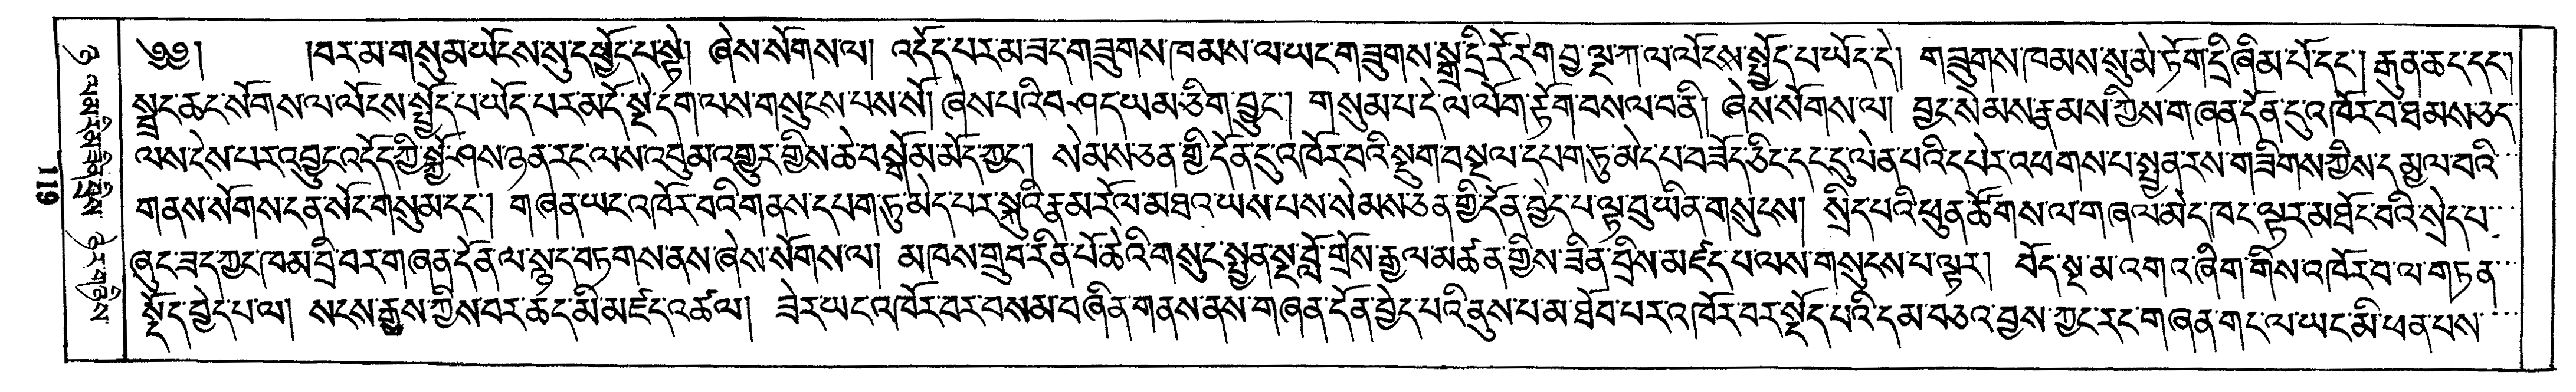༄༅། །བར་མ་གསུམ་ཡོངས་སུ་དཔྱོད་པ་སྟེ། ཞེས་སོགས་ལ། འདོད་པར་མ་ཟད་གཟུགས་ཁམས་ལ་ཡང་གཟུགས་སྒྲ་དྲི་རོ་རེག་བྱ་ལྔ་ཀ་ལ་ལོངས་སྤྱོད་པ་ཡོད་དེ། གཟུགས་ཁམས་སུ་མེ་ཏོག་དྲི་ཞིམ་པོ་དང་། རྒུན་ཆང་དང་
སྦྲང་ཆང་སོགས་ལ་ལོངས་སྤྱོད་པ་ཡོད་པར་མདོ་སྡེ་དག་ལས་གསུངས་པས་སོ། ཞེས་པའི་བཤད་ཡམ་ཅིག་བྱུང་། གསུམ་པ་དེ་ལ་ལོག་རྟོག་བསལ་བ་ནི། ཞེས་སོགས་ལ། བྱང་སེམས་རྣམས་ཀྱིས་གཞན་དོན་དུ་འཁོར་བ་ཐམས་ཅད་
ལས་ངེས་པར་འབྱུང་འདོད་ཀྱི་སྐྱོ་ཤས་ཉན་རང་ལས་འབུམ་འགྱུར་གྱིས་ཆེ་བ་སྒོམ་མོད་ཀྱང་། སེམས་ཅན་གྱི་དོན་དུ་འཁོར་བའི་སྡུག་བསྔལ་དཔག་ཏུ་མེད་པ་བཟོད་ཅིང་དང་དུ་ལེན་པའི་དཔེར་འཕགས་པ་སྤྱན་རས་གཟིགས་ཀྱིས་དམྱལ་བའི་
གནས་སོགས་ངན་སོང་གསུམ་དང་། གཞན་ཡང་འཁོར་བའི་གནས་དཔག་ཏུ་མེད་པར་སྐུའི་རྣམ་རོལ་མཐའ་ཡས་པས་སེམས་ཅན་གྱི་དོན་བྱེད་པ་ལྟ་བུ་ཡིན་གསུངས། སྲིད་པའི་ཕུན་ཚོགས་ལ་གཞལ་མེད་ཁང་ལྟར་མཐོང་བའི་སྲེད་པ་
ཅུང་ཟད་ཀྱང་ཁ་མ་བྲི་བར་གཞན་དོན་ལ་སྙད་བཏགས་ནས་ཞེས་སོགས་ལ། མཁས་གྲུབ་རིན་པོ་ཆེའི་གསུང་སྤྱན་སྔ་བློ་གྲོས་རྒྱལ་མཚན་གྱིས་ཟིན་བྲིས་མཛད་པ་ལས་གསུངས་པ་ལྟར། བོད་སྔ་མ་འགའ་ཞིག་གིས་འཁོར་བ་ལ་གཏན་
སྡོད་བྱེད་པ་ལ། སངས་རྒྱས་ཀྱིས་བར་ཆད་མི་མཛད་འཚལ། ཟེར་ཡང་འཁོར་བར་བསམ་བཞིན་གནས་ནས་གཞན་དོན་བྱེད་པའི་ནུས་པ་མ་ཐོབ་པར་འཁོར་བར་སྡོད་པའི་དམ་བཅའ་བྱས་ཀྱང་རང་གཞན་གང་ལ་ཡང་མི་ཕན་པས་